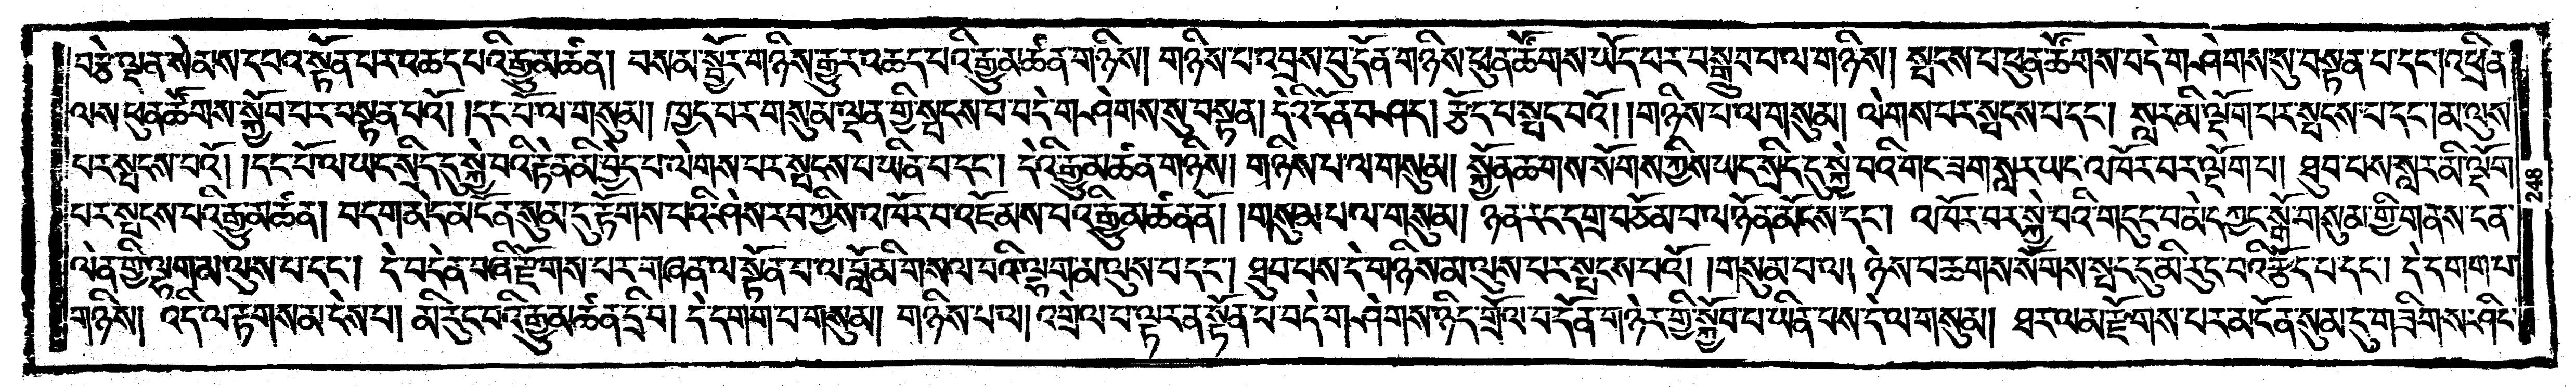བརྩེ་ལྡན་སེམས་དཔའ་སྟོན་པར་འཆད་པའི་རྒྱུ་མཚན། བསམ་སྦྱོར་གཉིས་རྒྱུར་འཆད་པའི་རྒྱུ་མཚན་གཉིས། གཉིས་པ་འབྲས་བུ་དོན་གཉིས་ཕུན་ཚོགས་ཡོད་པར་བསྒྲུབ་པ་ལ་གཉིས། སྤངས་པ་ཕུན་ཚོགས་བདེ་གཤེགས་སུ་བསྟན་པ་དང་། འཕྲིན་
ལས་ཕུན་ཚོགས་སྐྱོབ་པར་བསྟན་པའོ། །དང་པོ་ལ་གསུམ། ཁྱད་པར་གསུམ་ལྡན་གྱི་སྤངས་པ་བདེ་གཤེགས་སུ་བསྟན། དེའི་དོན་བཤད། རྩོད་པ་སྤང་བའོ། །གཉིས་པ་ལ་གསུམ། ལེགས་པར་སྤངས་པ་དང་། སླར་མི་ལྡོག་པར་སྤངས་པ་དང་། མ་ལུས་
པར་སྤངས་པའོ། །དང་པོ་ལ་ཡང་སྲིད་དུ་སྐྱེ་བའི་རྟེན་མི་བྱེད་པ་ལེགས་པར་སྤངས་པ་ཡིན་པ་དང་། དེའི་རྒྱུ་མཚན་གཉིས། གཉིས་པ་ལ་གསུམ། སྐྱོན་ཆགས་སོགས་ཀྱིས་ཡང་སྲིད་དུ་སྐྱེ་བའི་གང་ཟག་སླར་ཡང་འཁོར་བར་ལྡོག་པ། ཐུབ་པས་སླར་མི་ལྡོག་
པར་སྤངས་པའི་རྒྱུ་མཚན། བདག་མེད་མངོན་སུམ་དུ་རྟོགས་པའི་ཤེས་རབ་ཀྱིས་འཁོར་བ་འཇོམས་པའི་རྒྱུ་མཚན་ནོ། །གསུམ་པ་ལ་གསུམ། ཉན་རང་དགྲ་བཅོམ་པ་ལ་ཉོན་མོངས་དང་། འཁོར་བར་སྐྱེ་བའི་གདུང་བ་མེད་ཀྱང་སྒོ་གསུམ་གྱི་གནས་ངན་
ལེན་གྱི་ལྷག་མ་ལུས་པ་དང་། དེ་བདེན་བཞི་རྫོགས་པར་གཞན་ལ་སྟོན་པ་ལ་བློ་མི་གསལ་བའི་ལྷག་མ་ལུས་པ་དང་། ཐུབ་པས་དེ་གཉིས་མ་ལུས་པར་སྤངས་པའོ། །གསུམ་པ་ལ། ཉེས་པ་ཆགས་སོགས་སྤང་དུ་མི་རུང་བའི་རྩོད་པ་དང་། དེ་དགག་པ་
གཉིས། འདི་ལ་རྟགས་མ་ངེས་པ། མི་རུང་བའི་རྒྱུ་མཚན་དྲི་བ། དེ་དགག་པ་གསུམ། གཉིས་པ་ལ། འགྲེལ་པ་ལྟར་ན་སྟོན་པ་བདེ་གཤེགས་ཉིད་གྲོལ་བ་དོན་གཉེར་གྱི་སྐྱོབ་པ་ཡིན་པས་དེ་ལ་གསུམ། ཐར་ལམ་རྫོགས་པར་མངོན་སུམ་དུ་གཟིགས་ཤིང་